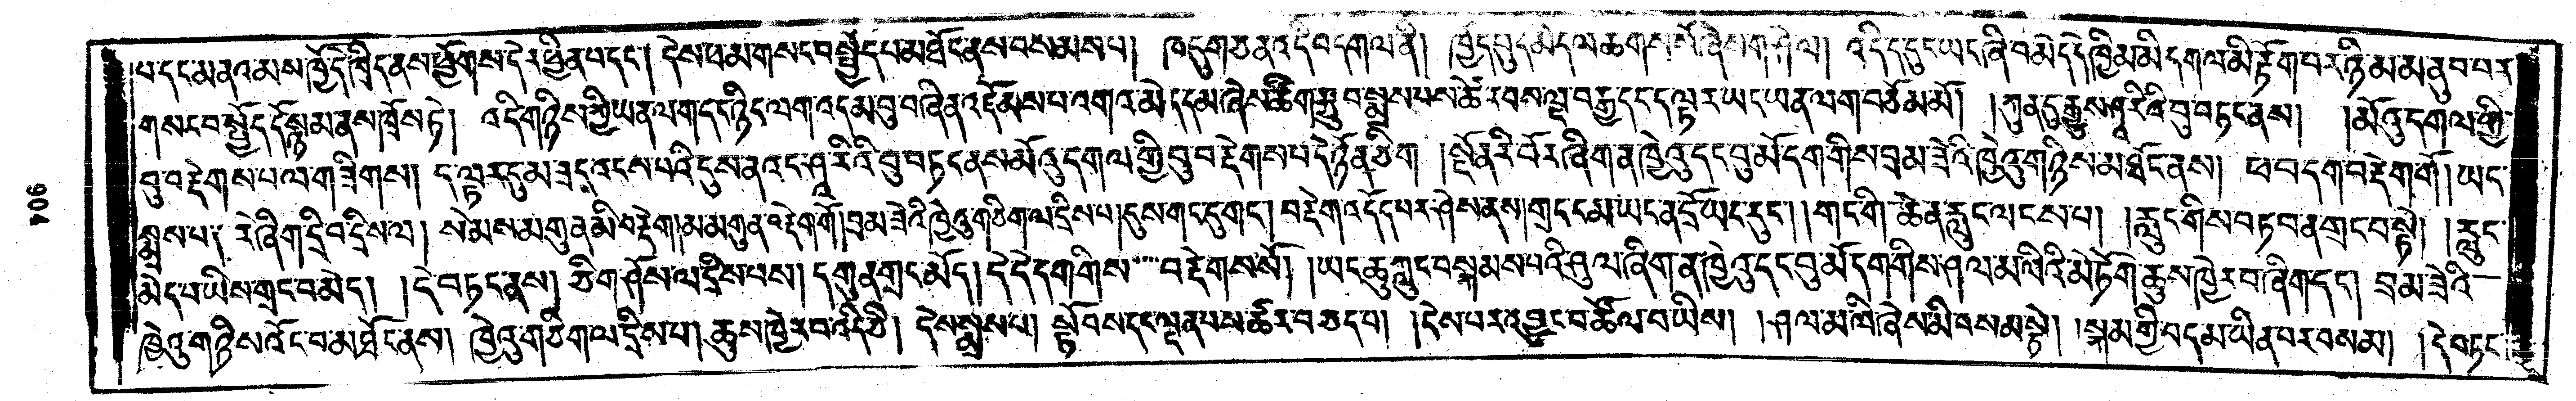པ་དང་མནའ་མས་ཁྱོ་དེ་ཁྲིད་ནས་ཕྱོགས་དེར་ཕྱིན་པ་དང་། དེས་ཕ་མ་གསང་བ་སྤྱོད་པ་མཐོང་ནས་བསམས་པ། ཁ་དུག་ཅན་འདི་བདག་ལ་ནི། ཁྱོད་བུད་མེད་ལ་ཆགས་སོ་ཞེས་གཤེལ། འདི་ད་དུང་ཡང་ཞི་བ་མེད་དེ་ཁྱིམ་མི་དག་ལ་མི་རྟོག་པར་ཉི་མ་མ་ནུབ་པར་
གསང་བ་སྤྱོད་དོ་སྙམ་ནས་ཁྲོས་ཏེ། འདི་གཉིས་ཀྱི་ཡན་ལག་དང་ཉིད་ལག་འདམ་བུ་བཞིན་འཇོམས་པ་འགའ་མེད་དམ་ཞེས་ཚིག་རྩུབ་སྨྲས་པས་ཚེ་རབས་ལྔ་བརྒྱ་དང་ད་ལྟར་ཡང་ཡན་ལག་བཅོམ་མོ། །ཀུན་དུ་རྒྱུས་ཤཱ་རིའི་བུ་བཏང་ནས། །མོའུ་དགལ་གྱི་
བུ་བརྡེགས་པ་ལ་གཟིགས། ད་ལྟར་དུ་མ་ཟད་འདས་པའི་དུས་ནའང་ཤཱ་རིའི་བུ་བཏང་ནས་མོའུ་དགལ་གྱི་བུ་བརྡེགས་པ་དེ་ཉོན་ཅིག །སྔོན་རི་བོར་ཞིག་ན་ཁྱེའུ་དང་བུ་མོ་དག་གིས་བྲམ་ཟེའི་ཁྱེའུ་གཉིས་མཐོང་ནས། ཕ་བདག་བརྡེག་གོ། ཡང་
སྨྲས་པ༑ རེ་ཞིག་དྲི་བ་དྲིས་ལ། སེམས་མགུན་མི་བརྡེག། མ་མགུན་བརྡེག་གོ། བྲམ་ཟེའི་ཁྱེའུ་གཅིག་ལ་དྲིས་པ། དུས་གང་དུ་གང་། བརྡེག་འདོད་པར་ཤེས་ནས། གྲང་ངམ་ཡང་ན་དྲོ་ཡང་རུང་། །གང་གི་ཆེན་རླུང་ལངས་པ། །རླུང་གིས་བཏབ་ན་གྲང་བ་སྟེ། །རླུང་
མེད་པ་ཡིས་གྲང་བ་མེད། །དེ་བཏང་ནས། ཅིག་ཤོས་ལ་དྲིས་པས། དགུན་གྲང་མོད། དེ་དེ་དག་གིས་བརྡེགས་སོ། །ཡང་ཆུ་ཀླུང་བསྐམས་པའི་ཤུལ་ཞིག་ན་ཁྱེའུ་དང་བུ་མོ་དག་གིས་ཤལ་མ་ལིའི་མེ་ཏོག་ཆུས་ཁྱེར་བ་ཞིག་དང་། བྲམ་ཟེའི་
ཁྱེའུ་གཉིས་འོང་བ་མཐོང་ནས། ཁྱེའུ་གཅིག་ལ་དྲིས་པ། ཆུས་ཁྱེར་བ་འདི་ཅི། དེས་སྨྲས་པ། སྟོབས་དང་ལྡན་པས་ཚར་བཅད་པ། །ངེས་པར་འབྱུང་བ་ཚོལ་བ་ཡིས། །ཤལ་མ་ལི་ཞེས་མི་བསམ་སྟེ། །སྐམ་གྱི་བད་མ་ཡིན་པར་བསམ། །དེ་བཏང་